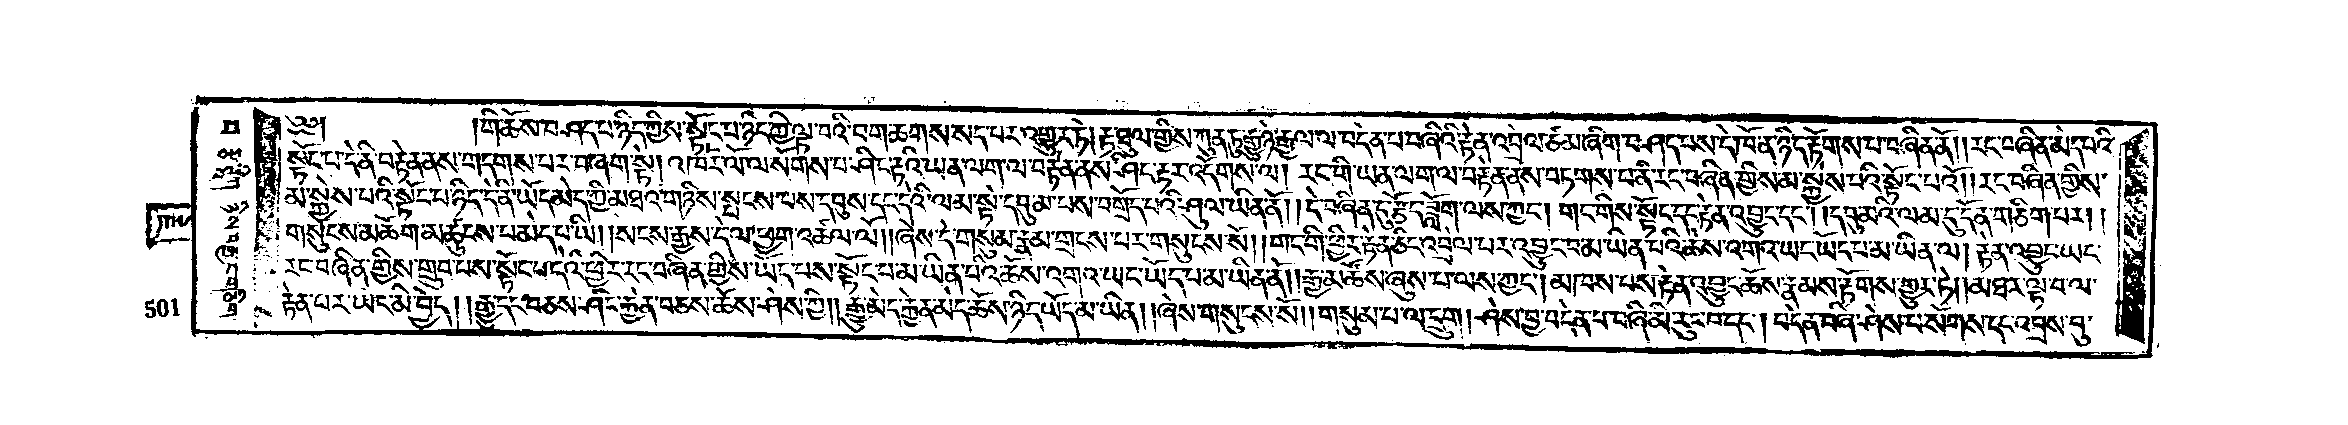༄༅། །གི་ཆོས་བཤད་པ་ཉིད་ཀྱིས་སྟོང་པ་ཉིད་ཀྱི་ལྟ་བའི་བག་ཆགས་སད་པར་འགྱུར་ཏེ། རྟ་ཐུལ་གྱིས་ཀུན་ཏུ་རྒྱུ་ཉེ་རྒྱལ་ལ་བདེན་པ་བཞིའི་རྟེན་འབྲེལ་ཙམ་ཞིག་བཤད་པས་དེ་ཁོ་ན་ཉིད་རྟོགས་པ་བཞིན་ནོ། །རང་བཞིན་མེད་པའི་
སྟོང་པ་དེ་ནི་བརྟེན་ནས་གདགས་པར་བཞག་སྟེ། འཁོར་ལོ་ལ་སོགས་པ་ཤིང་རྟའི་ཡན་ལག་ལ་བརྟེན་ནས་ཤིང་རྟར་འདོགས་ལ། རང་གི་ཡན་ལག་ལ་བརྟེན་ནས་བཏགས་པ་ནི་རང་བཞིན་གྱིས་མ་སྐྱེས་པའི་སྟོང་པའོ། །རང་བཞིན་གྱིས་
མ་སྐྱེས་པའི་སྟོང་པ་ཉིད་དེ་ནི་ཡོད་མེད་ཀྱི་མཐའ་གཉིས་སྤངས་པས་དབུས་དང་དེའི་ལམ་སྟེ་དབུ་མ་པས་བགྲོད་པའི་ཤུལ་ཡིན་ནོ། །དེ་བཞིན་དུ་རྩོད་ཟློག་ལས་ཀྱང་། གང་གིས་སྟོང་དང་རྟེན་འབྱུང་དང་། །དབུ་མའི་ལམ་དུ་དོན་གཅིག་པར།།
གསུངས་མཆོག་མཚུངས་པ་མེད་པ་ཡི། །སངས་རྒྱས་དེ་ལ་ཕྱག་འཚལ་ལོ། །ཞེས་དེ་གསུམ་རྣམ་གྲངས་པར་གསུངས་སོ། །གང་གི་ཕྱིར་རྟེན་ཅིང་འབྲེལ་པར་འབྱུང་བ་མ་ཡིན་པའི་ཆོས་འགའ་ཡང་ཡོད་པ་མ་ཡིན་ལ། རྟེན་འབྱུང་ཡང་
རང་བཞིན་གྱིས་གྲུབ་པས་སྟོང་པ་དེའི་ཕྱིར་རང་བཞིན་གྱིས་ཡོད་པས་སྟོང་པ་མ་ཡིན་པའི་ཆོས་འགའ་ཡང་ཡོད་པ་མ་ཡིན་ནོ། །རྒྱ་མཚོས་ཞུས་པ་ལས་ཀྱང་། མཁས་པས་རྟེན་འབྱུང་ཆོས་རྣམས་རྟོགས་གྱུར་ཏེ། །མཐར་ལྟ་བ་ལ་
རྟེན་པར་ཡང་མི་བྱེད། །རྒྱུ་དང་བཅས་ཤིང་རྐྱེན་བཅས་ཆོས་ཤེས་ཀྱི། །རྒྱུ་མེད་རྐྱེན་མེད་ཆོས་ཉིད་ཡོད་མ་ཡིན། །ཞེས་གསུངས་སོ། །གསུམ་པ་ལ་དྲུག། ཤེས་བྱ་བདེན་པ་བཞི་མི་རུང་བ་དང་། བདེན་བཞི་ཤེས་པ་སོགས་དང་འབྲས་བུ་